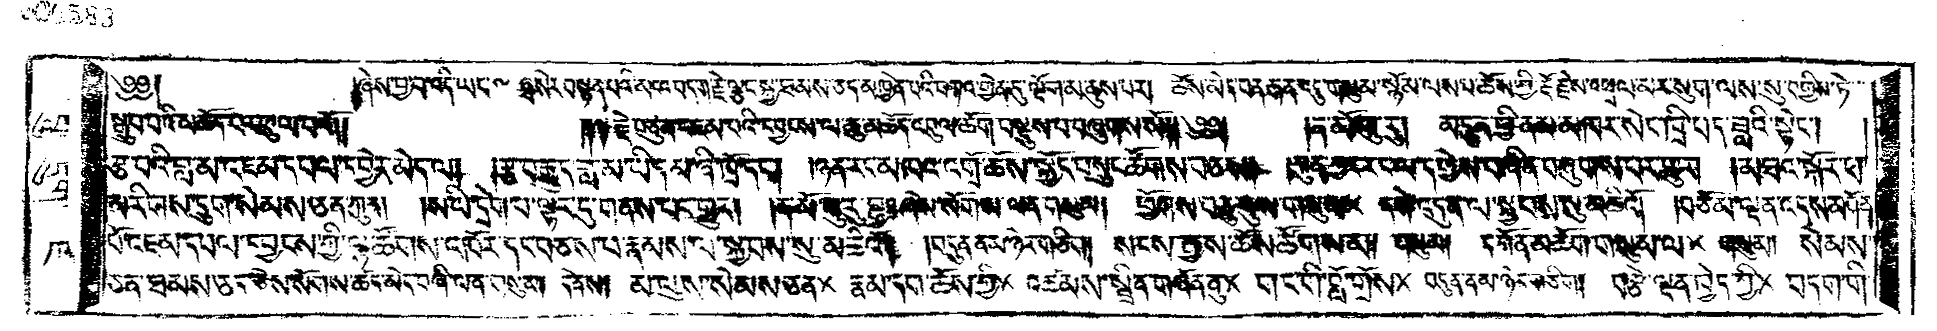༄༅། །ཞེས་བྱ་བ་འདི་ཡང་༧ཞྭ་སེར་བསྟན་པའི་མངའ་བདག་རྗེ་ལྕང་སྐྱ་ཐམས་ཅད་མཁྱེན་པའི་བཀའ་གྱེན་དུ་ལྡོག་མ་ནུས་པར། ཆོས་མེད་བན་རྒན་འདུ་གསུམ་སྙོམ་ལས་པ་ཆོས་ཀྱི་རྡོ་རྗེས་འཕྲལ་མར་སུག་ལས་སུ་བགྱིས་ཏེ་
སྒྲུབ་པའི་མཆོད་པར་ཕུལ་བའོ།། །། ༈ རྗེ་བཙུན་འཇམ་པའི་དབྱངས་ལ་ཆུ་མཆོད་འབུལ་ཆོག་བསྡུས་པ་བཞུགས་སོ།། ༄༅། །ན་མོ་གུ་རུ། མདུན་གྱི་ནམ་མཁར་སེང་ཁྲི་པད་ཟླའི་སྟེང་། །
རྩ་བའི་བླ་མ་འཇམ་དཔལ་དབྱེར་མེད་ལ། །རྩ་བརྒྱུད་བླ་མ་ཡི་དམ་ཞི་ཁྲོ་དང་། །ཉན་རང་མཁའ་འགྲོ་ཆོས་སྐྱོང་བསྲུང་ཚོགས་བཅས། །རྐུན་ཀྱང་རང་ལ་དགྱེས་བཞིན་བཞུགས་པར་གྱུར། །མཐའ་སྐོར་པ་
མ་རིགས་དྲུག་སེམས་ཅན་ཀུན། །ས་ཡི་དྲེག་པ་ལྟར་དུ་གནས་པར་གྱུར། །ན་མོ་གུ་རུ་བྷྱཿ ཞེས་སོགས་ལན་གསུམ།  ཕྱོགས་བཅུ་དུས་གསུམ་྾་དགེ་འདུན་ལ་སྐྱབས་སུ་མཆིའོ། །བཅོམ་ལྡན་འདས་མགོན་
པོ་འཇམ་དཔལ་དབྱངས་ཀྱི་ལྷ་ཚོགས་འཁོར་དང་བཅས་པ་རྣམས་ལ་སྐྱབས་སུ་མཆིའོ། ། བདུན་ནམ་ཉེར་གཅིག་།སངས་རྒྱས་ཆོས་ཚོགས་མ། གསུམ། དཀོན་མཆོག་གསུམ་ལ་྾་གསུམ།  སེམས་
ཅན་ཐམས་ཅད་ཅེས་སོགས་ཚད་མེད་བཞི་ལན་གསུམ། དེ་ནས།  མ་ལུས་སེམས་ཅན་྾་རྣམ་དག་ཆོས་ཀྱི་྾་འཚམས་སྤྲིན་གཞོན་ནུ་྾་གང་གི་བློ་གྲོས་྾་བདུན་ནམ་ཉེར་གཅིག་།བརྩེ་ལྡན་ཁྱེད་ཀྱི་྾་བདག་གི་